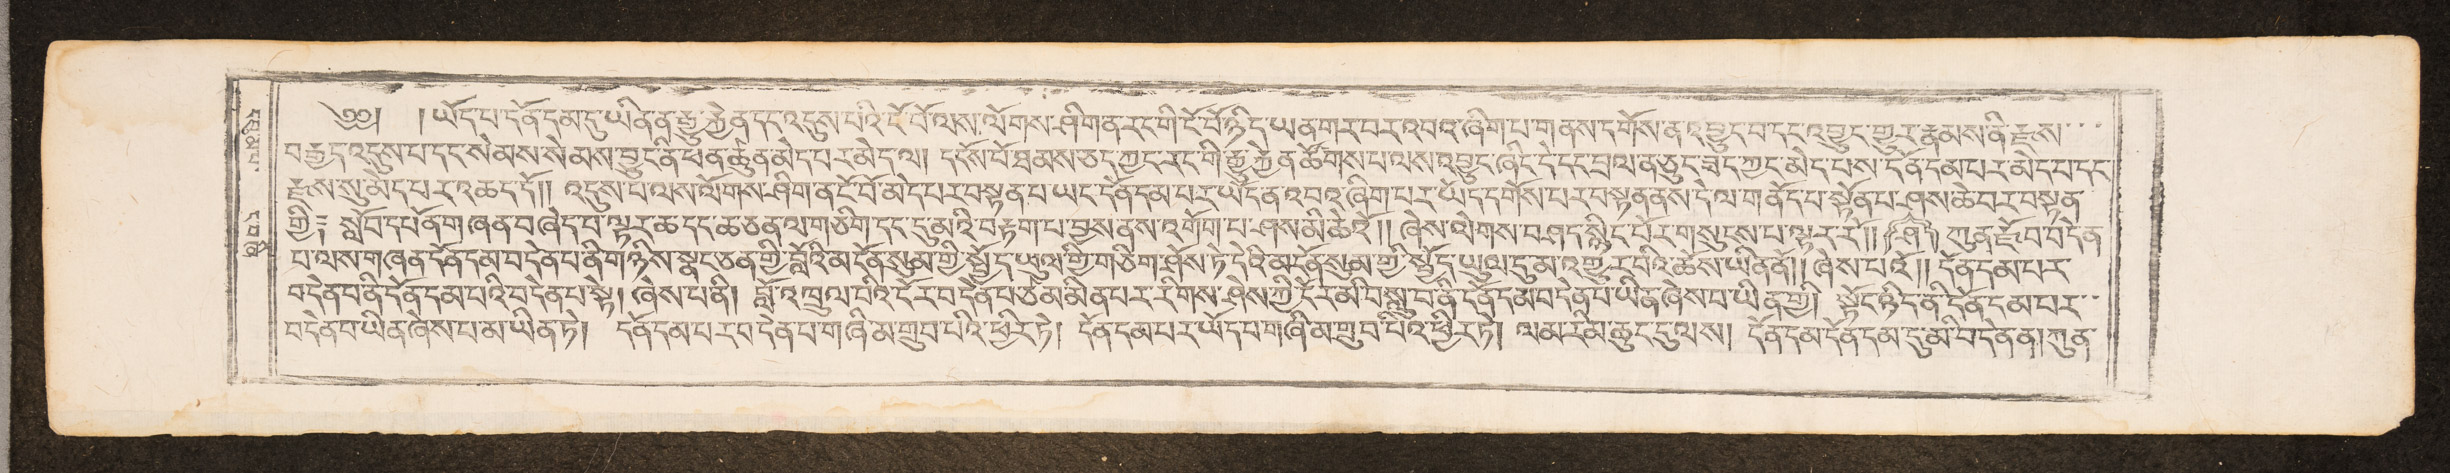༄༅། །ཡོད་པ་དོ་དམ་དུ་ཡིན་ན་རྒྱུ་རྐྱེན་དང་འདུས་པའི་ངོ་བོ་ལས་ལོགས་ཤིག་ན་རང་གི་ངོ་བོ་ཉིད་ཡན་གར་བར་འབའ་ཞིག་པ་གནས་དགོས་ན་འབྱུང་བ་དང་འབྱུང་གྱུར་རྣམས་ནི་རྫས་
བརྒྱད་འདུས་པ་དང་སེམས་སེམས་བྱུང་ནི་ཕན་ཚུན་མེད་པར་མེད་ལ། དངོས་པོ་ཐམས་ཅད་ཀྱང་རང་གི་རྒྱུ་རྐྱེན་ཚོགས་པ་ལས་འབྱུང་ཞིང་དེ་དང་བྲལ་ན་ཅུང་ཟད་ཀྱང་མེད་པས་དོན་དམ་པར་མེད་པ་དང་
རྫས་སུ་མེད་པར་འཆད་དོ།། འདུས་པ་ལས་ལོགས་ཤིག་ན་ངོ་བོ་མེད་པར་བསྟན་པ་ཡང་དོན་དམ་པར་ཡོད་ན་འབའ་ཞིག་པར་ཡོད་དགོས་པར་བསྟན་ནས་དེ་ལ་གནོད་པ་སྟོན་པ་ཤས་ཆེ་བར་བསྟན་
གྱི༑ སློབ་དཔོན་གཞན་བཞེད་པ་ལྟར་ཆ་དང་ཆ་ཅན་ལ་གཅིག་དང་དུ་མའི་བརྟག་པ་བྱས་ནས་འགོག་པ་ཤས་མི་ཆེའོ།། ཞེས་ལེགས་བཤད་སྙིང་པོར་གསུངས་པ་ལྟར་རོ།། ༼༽ཤ༼༽ ཀུན་རྫོབ་བདེན་
པ་ལས་གཞན་དོན་དམ་བདེན་པ་ནི་གཉིས་སྣང་ཅན་གྱི་བློའི་མངོན་སུམ་གྱི་སྤྱོད་ཡུལ་གྱི་གཅིག་ཤོས་ཏེ་དེའི་མངོན་སུམ་གྱི་སྤྱོད་ཡུལ་དུ་མ་འགྱུར་པའི་ཆོས་ཡིན་ནོ།། ཞེས་པའོ།། དོན་དམ་པར་
བདེན་པ་ནི་དོན་དམ་པའི་དབེན་པ་སྟེ་། །ཞེས་པ་ནི། བློ་འཁྲུལ་བའི་ངོ་བདེན་པ་ཙམ་མིན་པར་རིག་ཤེས་ཀྱི་དོར་མི་བསླུ་བ་ནི་དོན་དམ་བདེན་པ་ཡིན་ཞེས་པ་ཡིན་གྱིས། །སྟོང་ཉིད་ནི་དོན་དམ་པར་
བདེན་པ་ཡིན་ཞེས་པ་མ་ཡིན་ཏེ་། །དོན་དམ་པར་བདེན་པ་གཞི་མ་གྲུབ་པའི་ཕྱིར་ཏེ། དོན་དམ་པར་ཡོད་པ་གཞི་གྲུབ་པའི་ཕྱིར་ཏེ། ལམ་རིམ་ཆུང་དུ་ལས། དོན་དམ་དོན་དུ་མི་བདེན་ན། ཀུན་